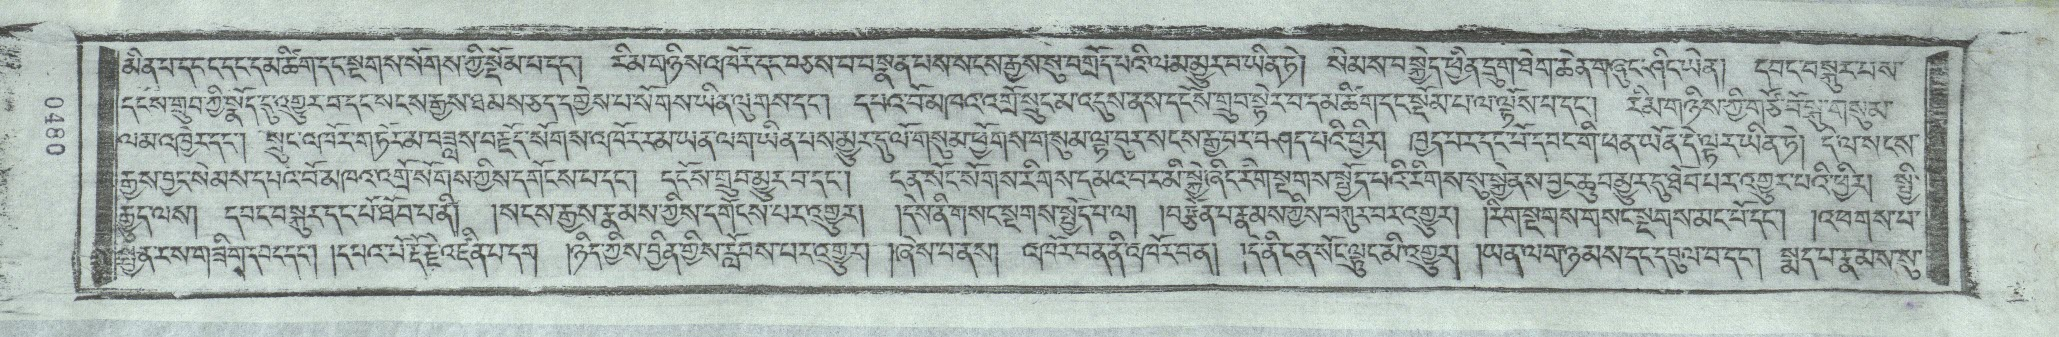མིན་པ་དང་ང་དང་དམ་ཚིག་དང་སྔགས་སོགས་ཀྱི་སྡོམ་པ་དང་། རིམ་གཉིས་འཁོར་དང་བཅས་པ་བསྣན་པས་སངས་རྒྱས་སུ་བགྲོད་པའི་ལམ་མྱུར་བ་ཡིན་ཏེ། སེམས་བསྐྱེད་ཕྱིན་དྲུག་ཐེག་ཆེན་གཞུང་ཤིང་ཡིན། དབང་བསྐུར་པས་
དངོས་གྲུབ་ཀྱི་སྣོད་དུ་འགྱུར་བ་དང་སངས་རྒྱས་ཐམས་ཅད་དགྱེས་པ་སོགས་ཡིན་ལུགས་དང་། དཔའ་བོ་མཁའ་འགྲོ་སྲུང་མ་འདུས་ནས་དངོས་གྲུབ་སྟེར་བ་དམ་ཚིག་དང་སྡོམ་པ་ལ་ལྟོས་པ་དང་། རིམ་གཉིས་ཀྱི་གཙོ་བོ་སྐུ་གསུམ་
ལམ་འཁྱེར་དང་། སྲུང་འཁོར་གཏོར་མ་བཟླས་བརྗོད་སོགས་འཁོར་རམ་ཡན་ལག་ཡིན་པས་མྱུར་དུ་ལོ་གསུམ་ཕྱོགས་གསུམ་ལྟ་བུར་སངས་རྒྱ་བར་བཤད་པའི་ཕྱིར། ཁྱད་པར་དང་པོ་དབང་གི་ཕན་ཡོན་དེ་ལྟར་ཡིན་ཏེ། དེ་ལ་སངས་
རྒྱས་བྱང་སེམས་དཔའ་བོ་མཁའ་འགྲོ་སོགས་ཀྱིས་དགོངས་པ་དང་། དངོས་གྲུབ་མྱུར་བ་དང་། ངན་སོང་སོགས་རིགས་དམའ་བར་མི་སྐྱེ་ཞིང་རིག་སྔགས་སྤྱོད་པའི་རིགས་སུ་སྐྱེ་ནས་བྱང་ཆུབ་མྱུར་དུ་ཐོབ་པར་འགྱུར་པའི་ཕྱིར། སྤྱི་
རྒྱུད་ལས། དབང་བསྐུར་དང་པོ་ཐོབ་པ་ནི། །སངས་རྒྱས་རྣམས་ཀྱིས་དགོངས་པར་འགྱུར། །དེས་ནི་གསང་སྔགས་སྤྱོད་པ་ལ། །བརྩོན་པ་རྣམས་ཀྱིས་བཀུར་བར་འགྱུར། །རིག་སྔགས་གསང་སྔགས་མང་པོ་དང་། །འཕགས་པ་
སྤྱན་རས་གཟིགས་དབང་དང་། །དཔའ་བོ་རྡོ་རྗེ་འཛིན་པ་དག །ཉིད་ཀྱིས་བྱིན་གྱིས་རློབས་པར་འགྱུར། །ཞེས་པ་ནས། འཁོར་བ་ན་ནི་འཁོར་བ་ན། །དེ་ནི་ངན་སོང་ལྟུང་མི་འགྱུར། །ཡན་ལག་ཉམས་དང་དབུལ་བ་དང་། སྨད་བ་རྣམས་སུ་